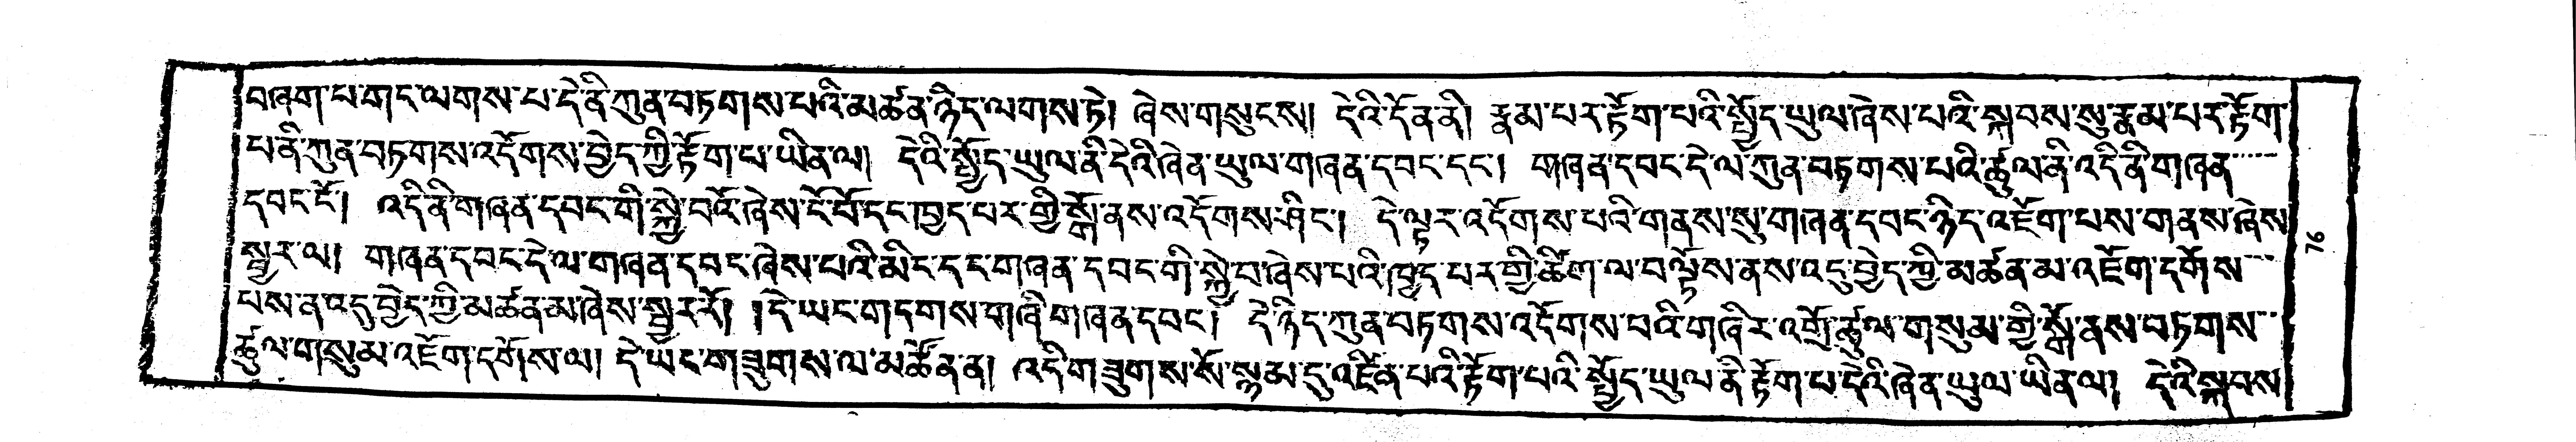བཞག་པ་གང་ལགས་པ་དེ་ནི་ཀུན་བཏགས་པའི་མཚན་ཉིད་ལགས་ཏེ། ཞེས་གསུངས། དེའི་དོན་ནི། རྣམ་པར་རྟོག་པའི་སྤྱོད་ཡུལ་ཞེས་པའི་སྐབས་སུ་རྣམ་པར་རྟོག་
པ་ནི་ཀུན་བཏགས་འདོགས་བྱེད་ཀྱི་རྟོག་པ་ཡིན་ལ། དེའི་སྤྱོད་ཡུལ་ནི་དེའི་ཞེན་ཡུལ་གཞན་དབང་དང་། གཞན་དབང་དེ་ལ་ཀུན་བཏགས་པའི་ཚུལ་ནི་འདི་ནི་གཞན་
དབང་ངོ། འདི་ནི་གཞན་དབང་གི་སྐྱེ་བའོ་ཞེས་ངོ་བོ་དང་ཁྱད་པར་གྱི་སྒོ་ནས་འདོགས་ཤིང་། དེ་ལྟར་འདོགས་པའི་གནས་སུ་གཞན་དབང་ཉིད་འཇོག་པས་གནས་ཞེས་
སྦྱར་ལ། གཞན་དབང་དེ་ལ་གཞན་དབང་ཞེས་པའི་མིང་དང་གཞན་དབང་གི་སྐྱེ་བ་ཞེས་པའི་ཁྱད་པར་གྱི་ཚིག་ལ་བལྟོས་ནས་འདུ་བྱེད་ཀྱི་མཚན་མ་འཇོག་དགོས་
པས་ན་འདུ་བྱེད་ཀྱི་མཚན་མ་ཞེས་སྦྱར་རོ། །དེ་ཡང་གདགས་གཞི་གཞན་དབང་། དེ་ཉིད་ཀུན་བཏགས་འདོགས་པའི་གཞིར་འགྲོ་ཚུལ་གསུམ་གྱི་སྒོ་ནས་བཏགས་
ཚུལ་གསུམ་འཇོག་དགོས་ལ། དེ་ཡང་གཟུགས་ལ་མཚོན་ན། འདི་གཟུགས་སོ་སྙམ་དུ་འཛིན་པའི་རྟོག་པའི་སྤྱོད་ཡུལ་ནི་རྟོག་པ་དེའི་ཞེན་ཡུལ་ཡིན་ལ། དེའི་སྐབས་